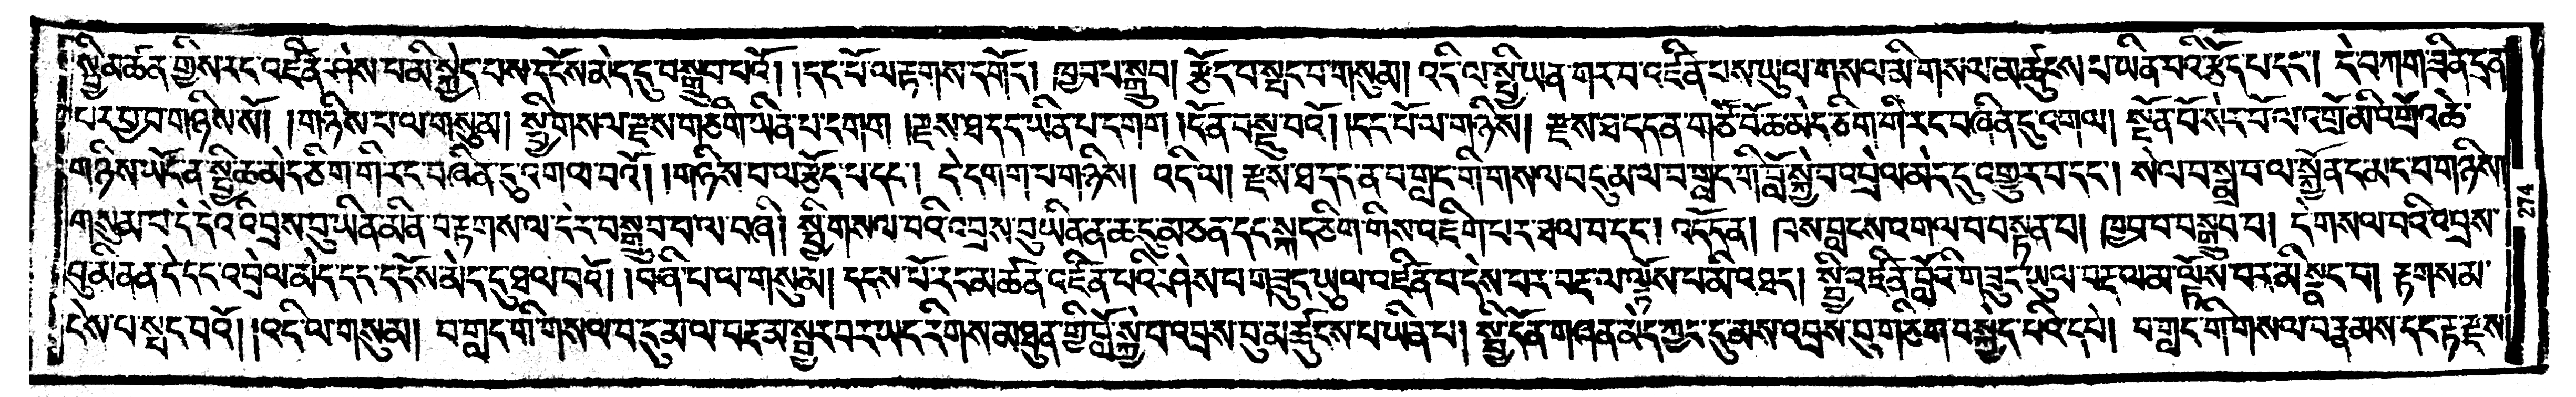སྤྱི་མཚན་གྱིས་རང་འཛིན་ཤེས་པ་མི་སྐྱེད་པས་དངོས་མེད་དུ་བསྒྲུབ་པའོ། །དང་པོ་ལ་རྟགས་དགོད། ཁྱབ་པ་སྒྲུབ། རྩོད་པ་སྤང་བ་གསུམ། འདི་ལ་སྤྱི་ཡན་གར་བ་འཛིན་པས་ཡུལ་གསལ་མི་གསལ་མཚུངས་པ་ཡིན་པའི་རྩོད་པ་དང་། དེ་བཀག་ཟིན་དྲན་
པར་བྱ་བ་གཉིས་སོ། །གཉིས་པ་ལ་གསུམ། སྤྱི་གསལ་རྫས་གཅིག་ཡིན་པ་དགག །རྫས་ཐ་དད་ཡིན་པ་དགག །དོན་བསྡུ་བའོ། །དང་པོ་ལ་གཉིས། རྫས་ཐ་དད་ན་གཙོ་བོ་ཆ་མེད་ཅིག་གི་རང་བཞིན་དུ་འགལ། སྔོན་པོ་སེར་པོ་ལ་འགྲོ་མི་འགྲོ་འཆེ་
གཉིས་ཡོད་ན་སྤྱི་ཆ་མེད་ཅིག་གི་རང་བཞིན་དུ་འགལ་བའོ། །གཉིས་པ་ལ་རྩོད་པ་དང་། དེ་དགག་པ་གཉིས། འདི་ལ། རྫས་ཐ་དད་ན་བ་གླང་གི་གསལ་བ་དུ་མ་ལ་བ་གླང་གི་བློ་སྐྱེ་བ་འབྲེལ་མེད་དུ་འགྱུར་བ་དང་། སེལ་བ་སྨྲ་བ་ལ་སྐྱོན་ང་མང་པ་གཉིས་
གསུམ་པ་དེ་དེའི་འབྲས་བུ་ཡིན་མིན་བརྟགས་ལ་དེར་བསྒྲུབ་པ་ལ་བཞི། སྤྱི་གསལ་བའི་འབྲས་བུ་ཡིན་ན་ཆ་དུ་མ་ཅན་དང་སྐད་ཅིག་གིས་འཇིག་པར་ཐལ་བ་དང་། འདོད་ན། ཁས་བླངས་འགལ་བ་བསྟན་པ། ཁྱབ་པ་བསྒྲུབ་པ། དེ་གསལ་བའི་འབྲས་
བུ་མིན་ན་དེ་དང་འབྲེལ་མེད་དང་དངོས་མེད་དུ་ཐལ་བའོ། །བཞི་པ་ལ་གསུམ། དངོས་པོ་རང་མཚན་འཛིན་པའི་ཤེས་པ་གཟུང་ཡུལ་འཛིན་པ་དེས་པར་བརྡ་ལ་ལྟོས་པ་མི་འཐད། སྤྱི་འཛིན་བློའི་གཟུང་ཡུལ་བརྡ་ལམ་ལྟོས་པར་མི་སྣང་བ། རྟགས་མ་
དེས་པ་སྤང་བའོ། །འདི་ལ་གསུམ། བ་གླང་གི་གསལ་བ་དུ་མ་ལ་བརྡ་མ་སྦྱར་བར་ཡང་རིགས་མཐུན་གྱི་བློ་སྐྱེ་བ་འབྲས་བུ་མཚུངས་པ་ཡིན་པ། སྤྱི་དོན་གཞན་མེད་ཀྱང་དུ་མས་འབྲས་བུ་གཅིག་བསྐྱེད་པའི་དཔེ། བ་གླང་གི་གསལ་བ་རྣམས་དང་རྟ་རྫས་